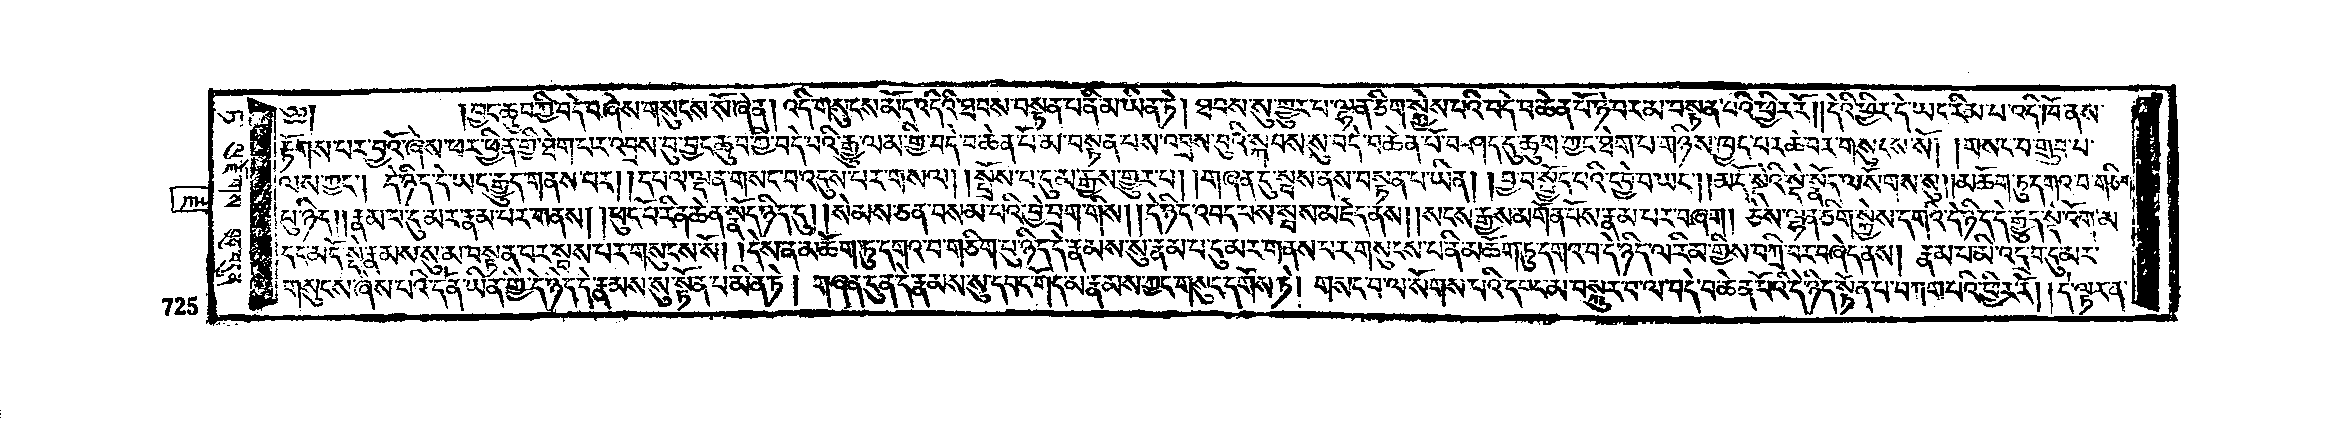༄༅། །བྱང་ཆུབ་ཀྱི་བདེ་བ་ཞེས་གསུངས་སོ་ཞེ་ན། འདི་གསུངས་མོད་འདིའི་ཐབས་བསྟན་པ་ནི་མ་ཡིན་ཏེ། ཐབས་སུ་གྱུར་པ་ལྷན་ཅིག་སྐྱེས་པའི་བདེ་བ་ཆེན་པོ་ཉེ་བར་མ་བསྟན་པའི་ཕྱིར་རོ། །དེའི་ཕྱིར་དེ་ཡང་རིམ་པ་འདི་ཁོ་ནས་
རྟོགས་པར་བྱའོ་ཞེས་ཕར་ཕྱིན་གྱི་ཐེག་པར་འབྲས་བུ་བྱང་ཆུབ་ཀྱི་བདེ་བའི་རྒྱུ་ལམ་གྱི་བདེ་བ་ཆེན་པོ་མ་བསྟན་པས་འབྲས་བུའི་སྐབས་སུ་བདེ་བ་ཆེན་པོ་བཤད་དུ་ཆུག་ཀྱང་ཐེག་པ་གཉིས་ཁྱད་པར་ཆེ་བར་གསུངས་སོ། །གསང་བ་གྲུབ་པ་
ལས་ཀྱང་། དེ་ཉིད་དེ་ཡང་རྒྱུད་གནས་པར། །དཔལ་ལྡན་གསང་བ་འདུས་པར་གསལ། །སྤྲོས་པ་དུ་མ་རྒྱས་གྱུར་པ། །གཞན་དུ་སྦས་ནས་བསྟན་པ་ཡིན། །བྱ་བ་སྤྱོད་པའི་དབྱེ་བ་ཡང་། །མདོ་སྡེའི་སྡེ་སྣོད་ལ་སོགས་སུ། །མཆོག་ཏུ་དགའ་བ་གཅིག་
པུ་ཉིད། །རྣམ་པ་དུ་མར་རྣམ་པར་གནས། །ཕུང་པོ་རིན་ཆེན་སྣོད་ཉིད་དུ། །སེམས་ཅན་བསམ་པའི་བྱེ་བྲག་གིས། །དེ་ཉིད་འབད་པས་སྦས་མཛད་ནས། །སངས་རྒྱས་མགོན་པོས་རྣམ་པར་བཞག །ཅེས་ལྷན་ཅིག་སྐྱེས་དགའི་དེ་ཉིད་དེ་རྒྱུད་སྡེ་འོག་མ་
དང་མདོ་སྡེ་རྣམས་སུ་མ་བསྟན་པར་སྦས་པར་གསུངས་སོ། །དེས་ན་མཆོག་ཏུ་དགའ་བ་གཅིག་པུ་ཉིད་དེ་རྣམས་སུ་རྣམ་པ་དུ་མར་གནས་པར་གསུངས་པ་ནི་མཆོག་ཏུ་དགའ་བ་དེ་ཉིད་ལ་རིམ་གྱིས་བཀྲི་བར་བཞེད་ནས། རྣམ་པ་མི་འདྲ་བ་དུ་མར་
གསུངས་ཞེས་པའི་དོན་ཡིན་གྱི་དེ་ཉིད་དེ་རྣམས་སུ་སྟོན་པ་མིན་ཏེ། གཞན་དུ་ན་དེ་རྣམས་སུ་དབང་གོད་མ་རྣམས་ཀྱང་གསུང་དགོས་ཏེ། གསང་བ་ལ་སོགས་པའི་དབང་མ་བསྐུར་བ་ལ་བདེ་བ་ཆེན་པོའི་དེ་ཉིད་སྟོན་པ་བཀག་པའི་ཕྱིར་རོ། །དེ་ལྟར་ན་